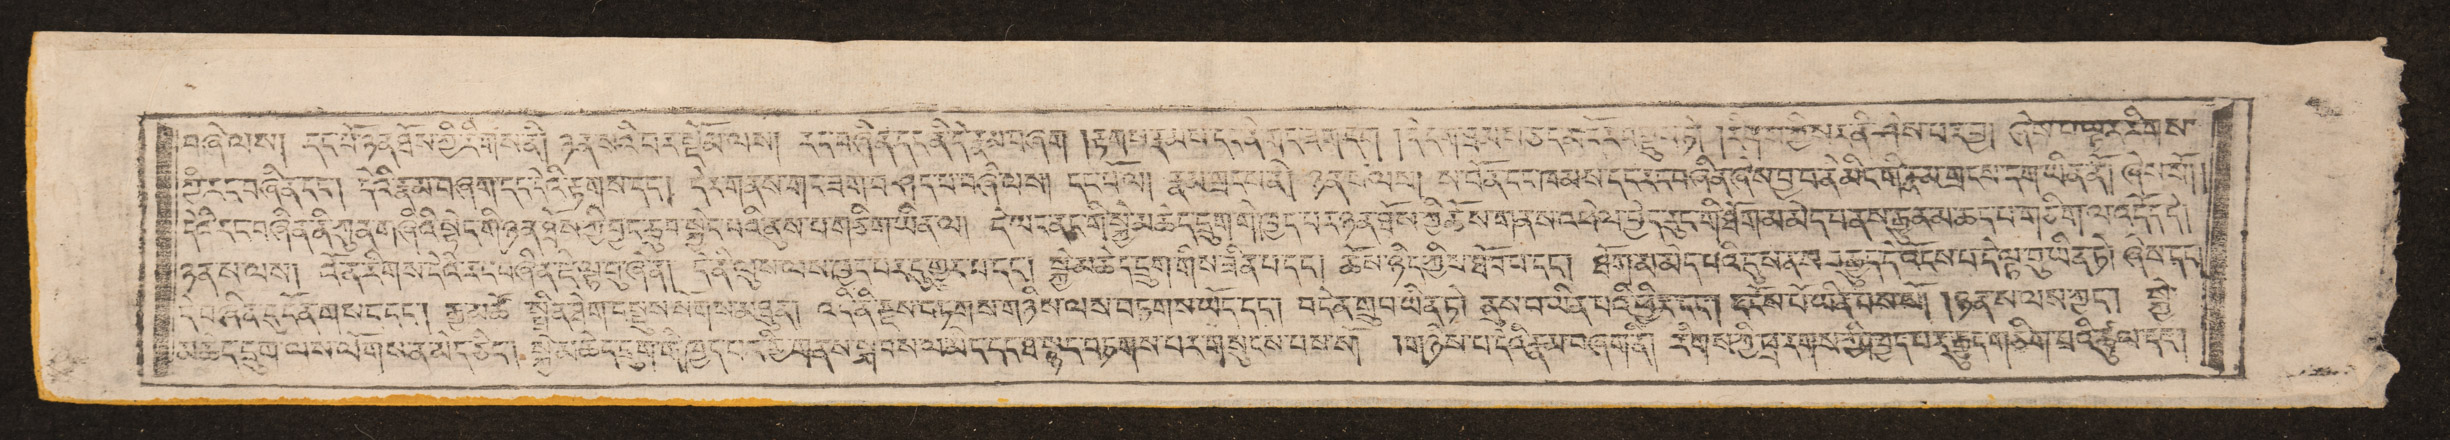བཞི་ལས། དང་པོ་ཉན་ཐོས་ཀྱི་རིགས་ནི། ཉན་སའི་བར་སྡོམ་ལས། རང་བཞིན་དང་ནི་དེ་རྣམ་བཞག །རྟགས་རྣམས་དང་ནི་གང་ཟག་དག །དེ་དག་ཐམས་ཅད་མདོར་བསྡུས་ཏེ། །རིགས་ཀྱི་སར་ནི་ཤེས་པར་བྱ། ཞེས་པ་ལྟར་?་རིགས་
ཀྱི་རང་བཞིན་དང་། དེའི་རྣམ་བཞག་དང་དེའི་རྟགས་དང་། དེར་གནས་གང་ཟག་བཤད་པ་བཞི་ལས། དང་པོ་ལ། རྣམ་གྲངས་ནི། ཉན་ས་ལས། ས་བོན་དང་ཁམས་དང་རང་བཞིན་ཞེས་བྱ་བ་ནི་མིང་གི་རྣམ་གྲངས་དག་ཡིན་ནོ། ཞེས་སོ།།
དེའི་རང་བཞིན་ནི་ཀུན་གཞིའི་སྟེང་གི་ཉན་ཐོས་ཀྱི་བྱང་ཆུབ་སྐྱེད་པའི་ནུས་པ་གཅིག་ཡིན་ལ། དེ་ཡང་ནང་གི་སྐྱེ་མཆེད་དྲུག་གི་ཁྱད་པར་ཉན་ཐོས་ཀྱི་ཆོས་གནས་འཕེལ་བྱེད་རུང་གི་ཐོག་མ་མེད་པ་ནས་རྒྱུན་མ་ཆད་པ་གཅིག་ལ་འདོད་དེ།
ཉན་ས་ལས། འོ་ན་རིགས་དེའི་རང་བཞིན་ཇི་ལྟ་བུ་ཞེ་ན། དེ་ནི་ལུས་ལས་ཁྱད་པར་དུ་གྱུར་པ་དང་། སྐྱེ་མཆེད་དྲུག་གིས་ཟིན་པ་དང་། ཆོས་ཉིད་ཀྱིས་ཐོབ་པ་དང་། ཐོག་མ་མེད་པའི་དུ་མ་ནས་བརྒྱུད་དེ་འོངས་པ་དེ་ལྟ་བུ་ཡིན་ཏེ། ཞེས་དང་
དེ་བཞིན་དུ་ངོན་གསང་དང་། རྒྱ་མཚོ་སྤྲིན་ཐིག་བསྡུས་སོགས་མཐུན། འདི་ནི་རྫས་བཏགས་གཉིས་ལས་བཏགས་ཡོད་དང་། བདེན་གྲུབ་ཡིན་ཏེ། ནུས་པ་མིན་པའི་ཕྱིར་དང་། དངོས་པོ་ཡིན་པས་སོ། །ཉན་ས་ལས་ཀྱང་། སྐྱེ་
མཆེད་དྲུག་ལས་ལོགས་ན་མེད་ཅིང་། སྐྱེ་མཆེད་དྲུག་གི་ཁྱད་པར་གྱི་གནས་སྐབས་ལ་མིང་དང་ཐ་སྙད་བཏགས་པར་གསུངས་པས་སོ། །གཉིས་པ་དེའི་རྣམ་བཞག་ནི། རིགས་ཀྱི་ཕྲ་རགས་ཀྱི་ཁྱད་པར་རྒྱུད་གཅིག་པའི་ཚུལ་དང་།